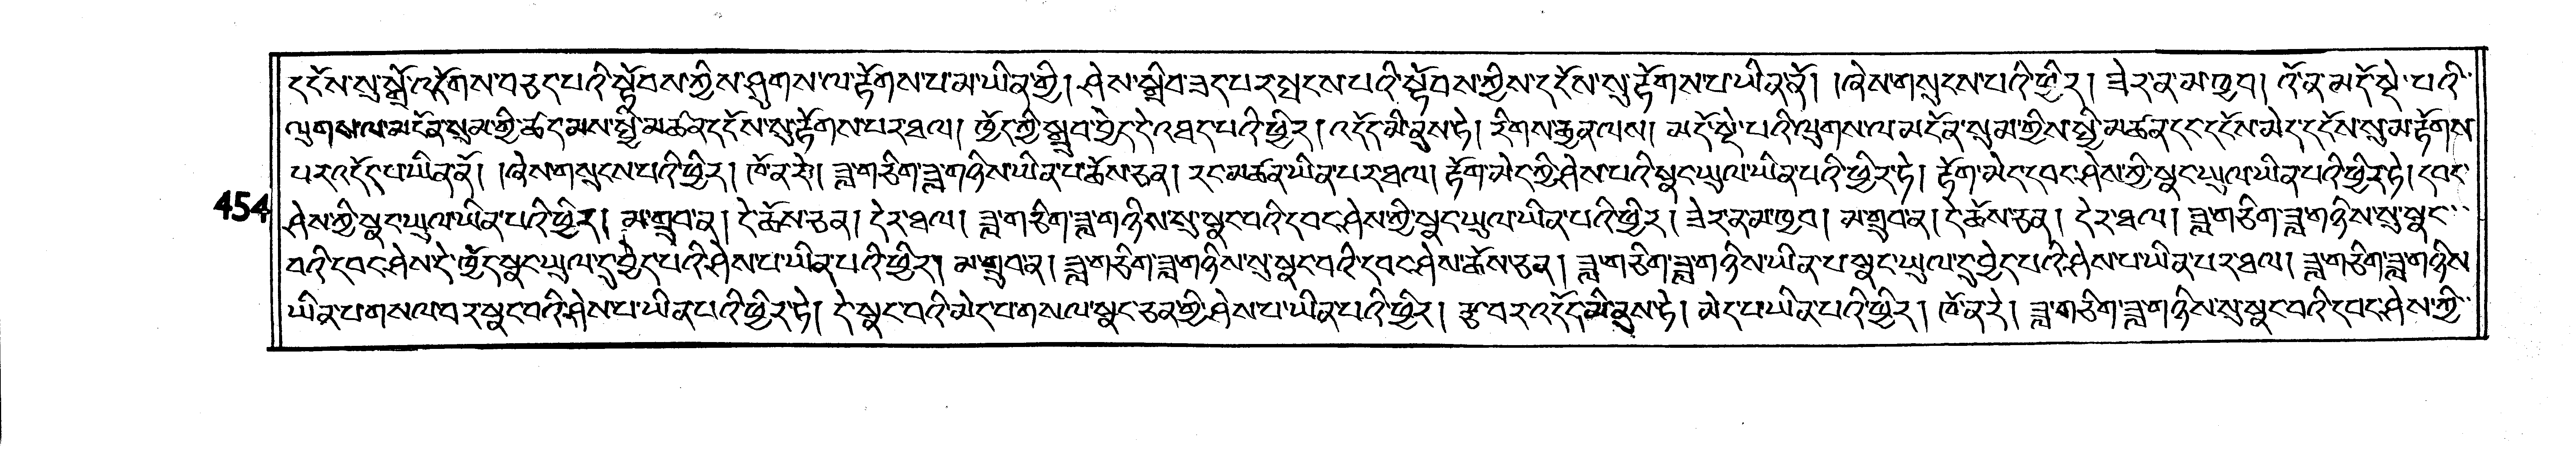དངོས་སུ་སྒྲོ་འདོགས་བཅད་པའི་སྟོབས་ཀྱིས་ཤུགས་ལ་རྟོགས་པ་མ་ཡིན་གྱི། ཤེས་སྒྲིབ་ཟད་པར་སྤངས་པའི་སྟོབས་ཀྱིས་དངོས་སུ་རྟོགས་པ་ཡིན་ནོ། །ཞེས་གསུངས་པའི་ཕྱིར། ཟེར་ན་མ་ཁྱབ། འོ་ན་མདོ་སྡེ་པའི་
ལུགས་ལ་མངོན་སུམ་གྱི་ཚད་མས་སྤྱི་མཚན་དངོས་སུ་རྟོགས་པར་ཐལ། ཁྱོད་ཀྱི་སྒྲུབ་བྱེད་དེ་འཐད་པའི་ཕྱིར། འདོད་མི་ནུས་ཏེ། རིགས་རྒྱན་ལས། མདོ་སྡེ་པའི་ལུགས་ལ་མངོན་སུམ་གྱིས་སྤྱི་མཚན་དང་དངོས་མེད་དངོས་སུམ་རྟོགས་
པར་འདོད་པ་ཡིན་ནོ། །ཞེས་གསུངས་པའི་ཕྱིར། ཁོ་ན་རེ། ཟླ་གཅིག་ཟླ་གཉིས་ཡིན་པ་ཆོས་ཅན། རང་མཚན་ཡིན་པར་ཐལ། རྟོག་མེད་ཀྱི་ཤེས་པའི་སྣང་ཡུལ་ཡིན་པའི་ཕྱིར་ཏེ། རྟོག་མེད་དབང་ཤེས་ཀྱི་སྣང་ཡུལ་ཡིན་པའི་ཕྱིར་ཏེ། དབང་
ཤེས་ཀྱི་སྣང་ཡུལ་ཡིན་པའི་ཕྱིར། མ་གྲུབ་ན། དེ་ཆོས་ཅན། དེར་ཐལ། ཟླ་གཅིག་ཟླ་གཉིས་སུ་སྣང་བའི་དབང་ཤེས་ཀྱི་སྣང་ཡུལ་ཡིན་པའི་ཕྱིར། ཟེར་ན་མ་ཁྱབ། མ་གྲུབ་ན། དེ་ཆོས་ཅན། དེར་ཐལ། ཟླ་གཅིག་ཟླ་གཉིས་སུ་སྣང་
བའི་དབང་ཤེས་དེ་ཁྱོད་སྣང་ཡུལ་དུ་བྱེད་པའི་ཤེས་པ་ཡིན་པའི་ཕྱིར། མ་གྲུབ་ན། ཟླ་གཅིག་ཟླ་གཉིས་སུ་སྣང་བའི་དབང་ཤེས་ཆོས་ཅན། ཟླ་གཅིག་ཟླ་གཉིས་ཡིན་པ་སྣང་ཡུལ་དུ་བྱེད་པའི་ཤེས་པ་ཡིན་པར་ཐལ། ཟླ་གཅིག་ཟླ་གཉིས་
ཡིན་པ་གསལ་བར་སྣང་བའི་ཤེས་པ་ཡིན་པའི་ཕྱིར་ཏེ། དེ་སྣང་བའི་མེད་པ་གསལ་སྣང་ཅན་གྱི་ཤེས་པ་ཡིན་པའི་ཕྱིར། རྩ་བར་འདོད་མི་ནུས་ཏེ། མེད་པ་ཡིན་པའི་ཕྱིར། ཁོ་ན་རེ། ཟླ་གཅིག་ཟླ་གཉིས་སུ་སྣང་བའི་དབང་ཤེས་ཀྱི་